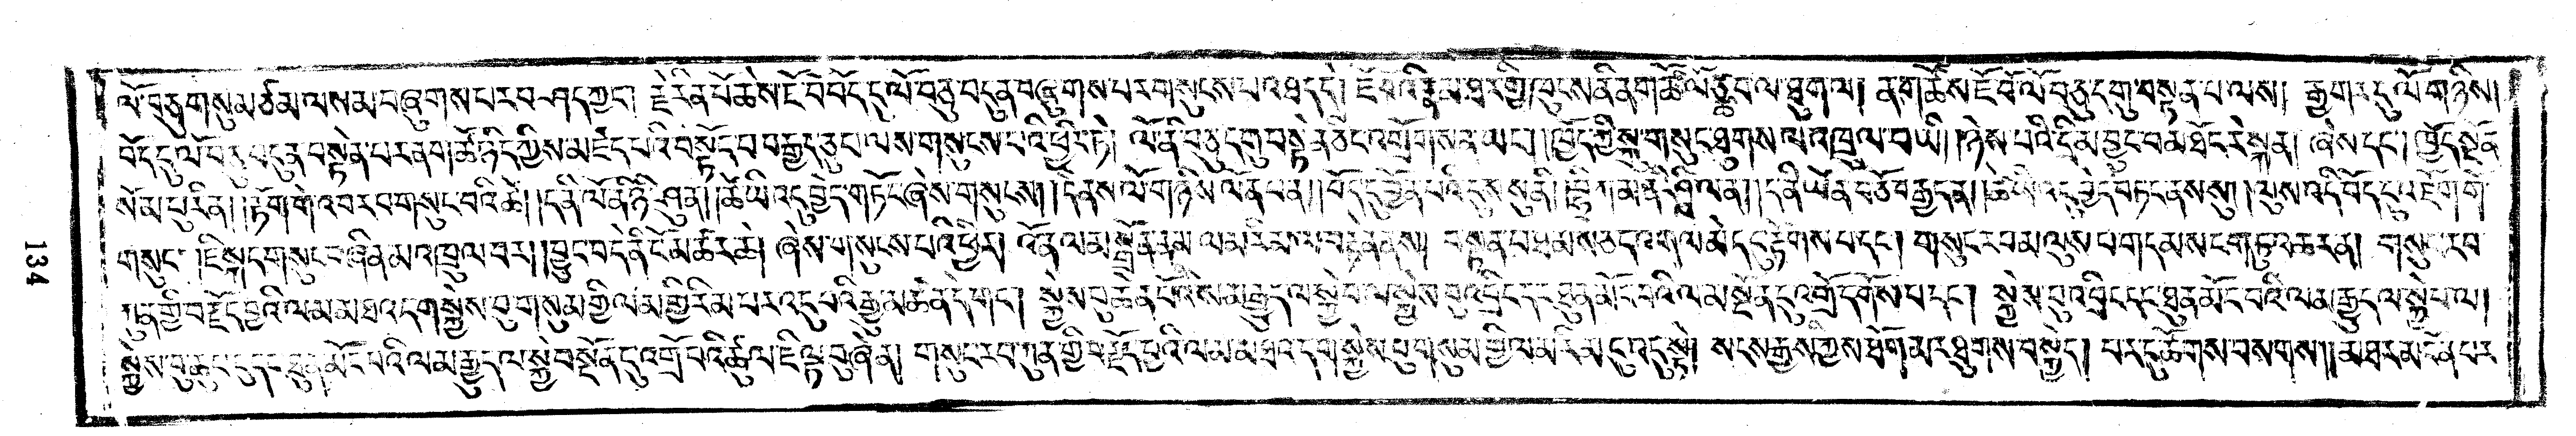ལོ་བཅུ་གསུམ་ཙམ་ལས་མ་བཞུགས་པར་བཤད་ཀྱང་། རྗེ་རིན་པོ་ཆེས་ཇོ་བོ་བོད་དུ་ལོ་བཅུ་བདུན་བཞུགས་པར་གསུངས་པ་འཐད་དེ། ཇོ་བོའི་རྣམ་ཐར་གྱི་ཁུངས་ནི་ནག་ཚོ་ལོ་ཙྪ་བ་ལ་ཐུག་ལ། ནག་ཆོས་ཇོ་བོ་ལོ་བཅུ་དགུ་བསྟན་པ་ལས། རྒྱ་གར་དུ་ལོ་གཉིས།
བོད་དུ་ལོ་བཅུ་བདུན་བསྟེན་པར་ནག་ཚོ་ཉིད་ཀྱིས་མཛད་པའི་བསྟོད་པ་བརྒྱད་ཅུ་པ་ལས་གསུངས་པའི་ཕྱིར་ཏེ། ལོ་ནི་བཅུ་དགུ་བསྟེན་ཅིང་འགྲོགས་ན་ཡང་། །ཁྱོད་ཀྱི་སྐུ་གསུང་ཐུགས་ལ་འཁྲུལ་བ་ཡི། །ཉེས་པའི་དྲི་མ་བྱུང་བ་མཐོང་རེ་སྐན། ཞེས་དང་། ཁྱོད་སྔོན་
སོམ་པུ་རིན། །རྟོག་གེ་འབར་བ་གསུང་བའི་ཚེ། །ད་ནི་ལོ་ནི་ཉི་ཤུན། །ཚེ་ཡི་འདུ་བྱེད་གཏོང་ཞེས་གསུངས། །དེ་ནས་ལོ་གཉིས་ལོན་པན། །བོད་དུ་བྱོན་པའི་དུས་སུ་ནི། །བྷི་ཀ་མ་ནི་ཤཱི་ལན། །ད་ནི་ཡོན་བཅོ་བརྒྱད་ན། །ཚེ་ཡི་འདུ་བྱེད་བཏང་ནས་སུ། །ལུས་འདི་བོད་དུ་འཇོག་གོ་
གསུང་། །ཇི་སྐད་གསུང་བཞིན་མ་འཁྲུལ་བར། །བྱུང་བ་དེ་ནི་ངོ་མཚར་ཆེ། ཞེས་གསུངས་པའི་ཕྱིར། འོ་ན་ལམ་སྒྲོན་ནམ་ལམ་རིམ་ལ་བརྟེན་ནས། བསྟན་པ་ཐམས་ཅད་འགལ་མེད་དུ་རྟོགས་པ་དང་། གསུང་རབ་མ་ལུས་པ་གདམས་ངག་ཏུ་འཆར་ན། གསུང་རབ་
ཀུན་གྱི་བརྗོད་བྱའི་ལམ་མཐའ་དག་སྐྱེས་བུ་གསུམ་གྱི་ལམ་གྱི་རིམ་པར་འདུ་བའི་རྒྱུ་མཚན་དེ་གང་། སྐྱེས་བུ་ཆེན་པོའི་སེམས་རྒྱུད་ལ་སྐྱེ་བ་ལ་སྐྱེས་བུ་འབྲིང་དང་ཐུན་མོང་བའི་ལམ་སྔོན་དུ་འགྲོ་དགོས་པ་དང་། སྐྱེས་བུ་འབྲིང་དང་ཐུན་མོང་བའི་ལམ་རྒྱུད་ལ་སྐྱེ་བ་ལ།
སྐྱེས་བུ་ཆུང་དུ་དང་ཐུན་མོང་བའི་ལམ་རྒྱུད་ལ་སྐྱེ་བ་སྔོན་དུ་འགྲོ་བའི་ཚུལ་ཇི་ལྟ་བུ་ཞེ་ན། གསུང་རབ་ཀུན་གྱི་བརྗོད་བྱའི་ལམ་མཐའ་དག་སྐྱེས་བུ་གསུམ་གྱི་ལམ་རིམ་དུ་འདུ་སྟེ། སངས་རྒྱས་ཀྱིས་ཐོག་མར་ཐུགས་བསྐྱེད། བར་དུ་ཚོགས་བསགས། །མཐར་མངོན་པར་